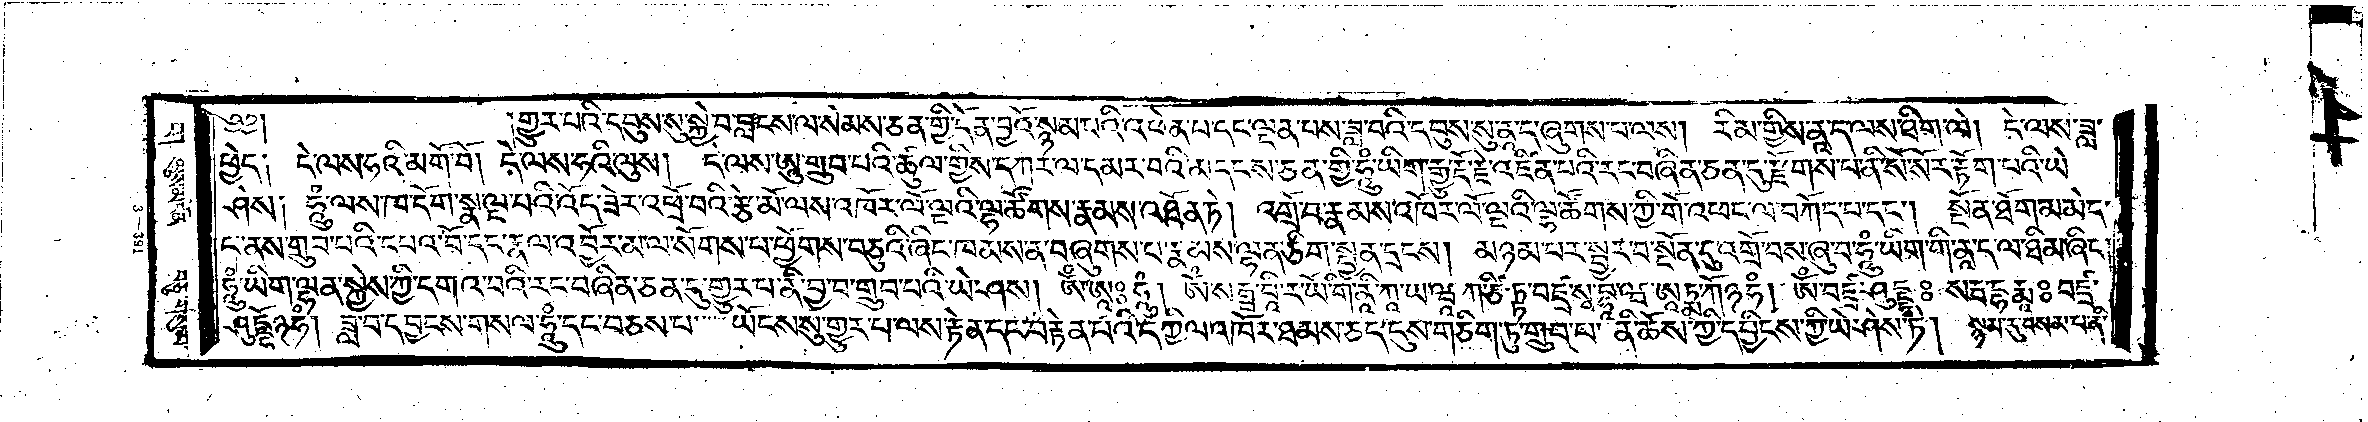༄༅། །གྱུར་པའི་དབུས་སུ་སྐྱེ་བ་བླངས་ལ་སེམས་ཅན་གྱི་དོན་བྱའོ་སྙམ་པའི་འཕེན་པ་དང་ལྡན་པས་ཟླ་བའི་དབུས་སུ་ནཱ་ད་ཞུགས་པ་ལས། རིམ་གྱིས་ནཱ་ད་ལས་ཐིག་ལེ། དེ་ལས་ཟླ་
ཕྱེད༑ དེ་ལས་ཧའི་མགོ་བོ། དེ་ལས་ཧའི་ལུས། དེ་ལས་ཨཱུ་གྲུབ་པའི་ཚུལ་གྱིས་དཀར་ལ་དམར་བའི་མདངས་ཅན་གྱི་ཧཱུཾ་ཡིག་རྒྱུ་རྡོ་རྗེ་འཛིན་པའི་རང་བཞིན་ཅན་དུ་རྫོགས་པ་ནི་སོ་སོར་རྟོག་པའི་ཡེ་
ཤེས༑ ཧཱུཾ་ལས་ཁ་དོག་སྣ་ལྔ་པའི་འོད་ཟེར་འཕྲོ་བའི་རྩེ་མོ་ལས་འཁོར་ལོ་ལྔའི་ལྷ་ཚོགས་རྣམས་འཐོན་ཏེ། འགྲོ་བ་རྣམས་འཁོར་ལོ་ལྔའི་ལྷ་ཚོགས་ཀྱི་གོ་འཕང་ལ་བཀོད་པ་དང་། སྔོན་ཐོག་མ་མེད་
པ་ནས་གྲུབ་པའི་དཔའ་བོ་དང་རྣལ་འབྱོར་མ་ལ་སོགས་པ་ཕྱོགས་བཅུའི་ཞིང་ཁམས་ན་བཞུགས་པ་རྣམས་ལྷན་ཅིག་སྤྱན་དྲངས། མཉམ་པར་སྦྱར་བ་སྔོན་དུ་འགྲོ་བས་ཞུ་བ་ཧཱུཾ་ཡིག་གི་ནཱ་ད་ལ་ཐིམ་ཞིང་
ཧཱུཾ་ཡིག་ལྷན་སྐྱེས་ཀྱི་དགའ་བའི་རང་བཞིན་ཅན་དུ་གྱུར་པ་ནི་བྱ་བ་གྲུབ་པའི་ཡེ་ཤས། ཨོཾ་ཨཱཿཧཱུཾ། ཨོཾ་སརྦྦ་པཱི་ར་ཡོ་གི་ནཱི་ཀཱ་ཡ་ཝཱ་ཀ་ཙི་ཏྟ་བཛྲ་སྭ་བྷཱ་ཝ་ཨཱཏྨ་ཀོཉཧཾ། ཨོཾ་བཛྲ་ཤུདྡྷཱཿ སརྦ་དྷརྨཱཿབཛྲ་
ཤུདྡྷོཉཧཾ། ཟླ་བ་དབྱངས་གསལ་ཧཱུཾ་དང་བཅས་པ་ཡོངས་སུ་གྱུར་པ་ལས་རྟེན་དང་བརྟེན་པའི་དཀྱིལ་འཁོར་ཐམས་ཅད་དུས་གཅིག་ཏུ་གྲུབ་པ་ནི་ཆོས་ཀྱི་དབྱིངས་ཀྱི་ཡེ་ཤེས་ཏེ། སྙམ་དུ་བསམ་པ་ནི་